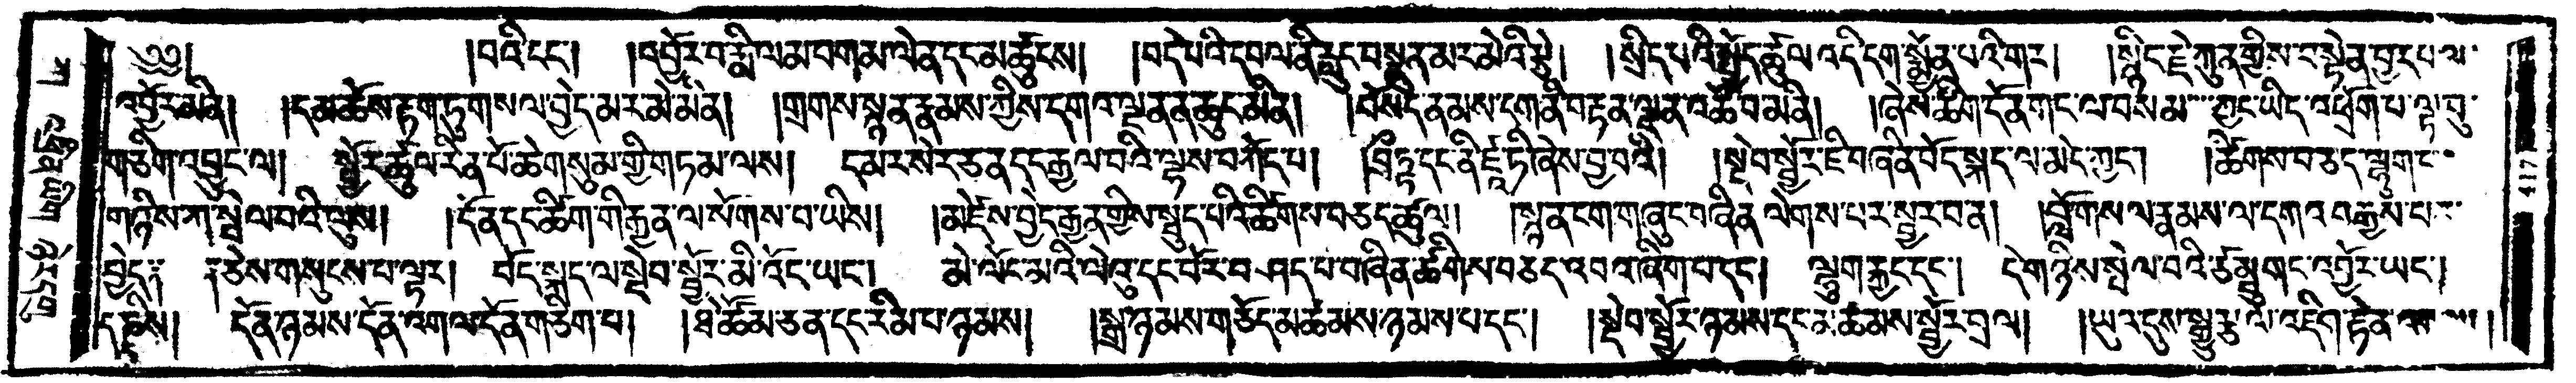༄༅། །བའི་ངང་། འབྱོར་བ་རྨི་ལམ་བག་མ་ལེན་དང་མཚུངས། །བདེ་བའི་དཔལ་ནི་རླུང་བསྣན་མར་མེའི་རྩེ། །སྲིད་པའི་སྤྱོད་ཚུལ་འདི་དག་སྨྱོན་པའི་གར། །སྙིང་རྗེ་ཀུན་གྱིས་བསྟེན་བྱ་དཔལ་
འབྱོར་མིན། །དམ་ཆོས་རྟག་ཏུ་གསལ་བྱེད་མར་མེ་མིན། །གྲགས་སྙན་རྣམས་ཀྱིས་དགའ་ལྡན་ན་ཆུང་མིན། །བོ་སད་ནམས་དག་ནི་བརྟན་ལྡན་འཚོ་བ་མིན། །ཞེས་ཆོག་དོན་གང་ལ་བསམ་ཀྱང་ཡིད་འཕྲོག་པ་ལྟ་བུ་
གཅིག་འབྱུང་ལ། སྦྱོར་ཚུལ་རིན་པོ་ཆེ་གསུམ་གྱི་གཏམ་ལས། དམར་སེར་ཅན་དང་རྒྱལ་བའི་ལྷས་བཀོད་པ། །བྲྀཏྟ་དང་ནི་ཛཱ་ཏི་ཞེས་བྱ་བའི། །སྡེབ་སྦྱོར་ཇི་བཞིན་བོད་སྐད་ལ་མེད་ཀྱང་། །ཚིགས་བ་ཅད་ལྷུག་??
གཉིས་ཀ་སྦེལ་བའི་ལུས། །དོན་དང་ཚིག་གི་རྒྱན་ལ་སོགས་པ་ཡིས། །མཛེས་བྱེད་རྒྱན་གྱིས་སྦུད་པའི་ཚིགས་བཅད་ཚུལ། །སྙན་ངག་གཞུང་བཞིན་ལེགས་པར་སྦྱར་བ་ན། །བློ་གསལ་རྣམས་ལ་དགའ་བརྒྱས་པར་
བྱེད། །ཅེས་གསུངས་པ་ལྟར། །བོད་སྨད་ལ་སྡེབ་སྦྱོར་མི་འོང་ཡང་། མེ་ལོང་མའི་ལེའུ་དང་བོར་བཤད་པ་བཞིན་ཚིག་བཅད་འབའ་ཞིག་པ་དང་། ལྷུག་རྐྱང་དང་། དེ་གཉིས་སྤེལ་བའི་རྩ་མྦུ་གང་འབྱོར་ཡང་།
ད་ཎིས། དོན་ཉམས་དོན་འགལ་དོན་གཅིག་པ། །ཐེ་ཚོམ་ཅན་དང་རིམ་པ་ཉམས། །སྒྲ་ཉམས་གཅོད་མཚམས་ཉམས་པ་དང་། །སྡེབ་སྦྱོར་ཉམས་དང་མཚམས་སྦྱོར་བྲལ། །ཡུ་འདུས་སྒྱུ་རྩལ་འཇིག་རྟེན་འགལ།